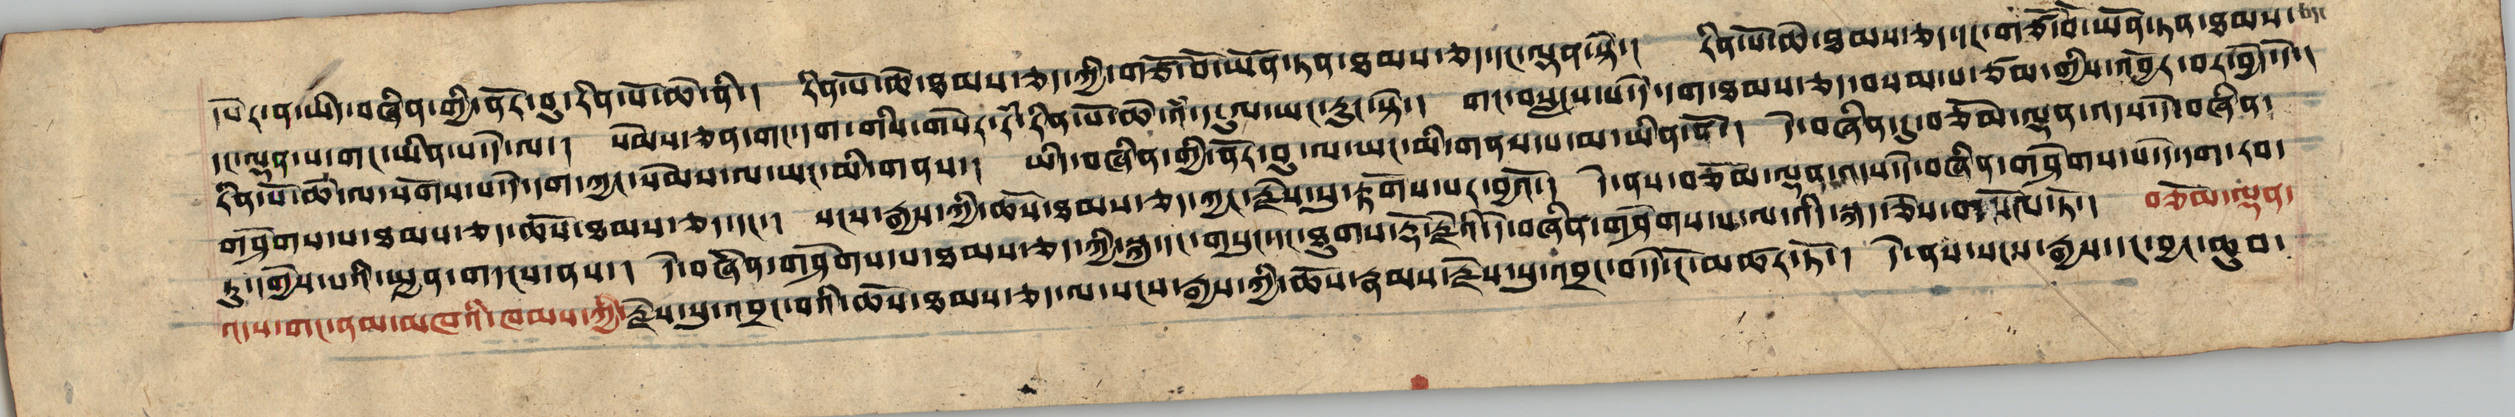དཔེར་ན་ཡིད་བཞིན་གྱི་ནོར་བུ་རིན་པོ་ཆེ་ནི་། རིན་པོ་ཆེ་ཐམས་ཅད་ཀྱི་གཙོ་བོ་ཡོན་ཏན་ཐམས་ཅད་དང་ལྡན་སྟེ་། རིན་པོ་ཆེ་ཐམས་ཅད་དང་གཙོ་བོ་ཡོན་ཏན་ཐམས་ཅད་
དང་ལྡན་པ་གང་ཡིན་པ་དེ་ལ་། སེམས་ཅན་གང་དག་གིས་གསེར་རཾ་རིན་པོ་ཆེ་འཾ་དངུལ་ཡང་རུང་སྟེ་། གང་བསླངས་པ་དེ་དག་ཐམས་ཅད་བསམ་པ་ཙམ་གྱིས་འབྱོར་བར་བྱེད་དོ་།
རིན་པོ་ཆེ་ལ་སོགས་པ་དེ་དག་ཀྱང་སེམས་ལ་ཡང་མི་གནས་། ཡིད་བཞིན་གྱི་ནོར་བུ་ལ་ཡང་མི་གནས་པ་མ་ཡིན་ནོ་། དེ་བཞིན་དུ་བཅོམ་ལྡན་འདས་དེ་བཞིན་
གཤེགས་པ་ཐམས་ཅད་ཆོས་ཐམས་ཅད་དང་། སངས་རྒྱས་ཀྱི་ཆོས་ཐམས་ཅད་ཀྱང་རྗེས་སུ་རྟོགས་པར་བྱའོ་། དེ་ནས་བཅོམ་ལྡན་འདས་དེ་བཞིན་གཤེགས་པ་དེ་དག་རབ་
ཏུ་དགྱེས་པའི་སྤྱན་གདངས་ནས་། དེ་བཞིན་གཤེགས་པ་ཐམས་ཅད་ཀྱི་སྐུ་དང་གསུང་དང་ཐུགས་རྡོ་རྗེའི་དེ་བཞིན་གཤེགས་པ་ལ་འདི་སྐད་ཅེས་གསོལ་ཏོ་། བཅོམ་ལྡན་
འདས་གང་ནམ་མཁའི་ཁམས་ཀྱི་རྗེས་སུ་འབྲང་བའི་ཆོས་ཐམས་ཅད་ལ་སངས་རྒྱས་ཀྱི་ཆོས་རྣམས་རྗེས་སུ་འབྲང་བ་དེ་ངོ་མཚར་ཏོ་། དེ་ནས་སངས་རྒྱས་དང་བྱང་ཆུབ་